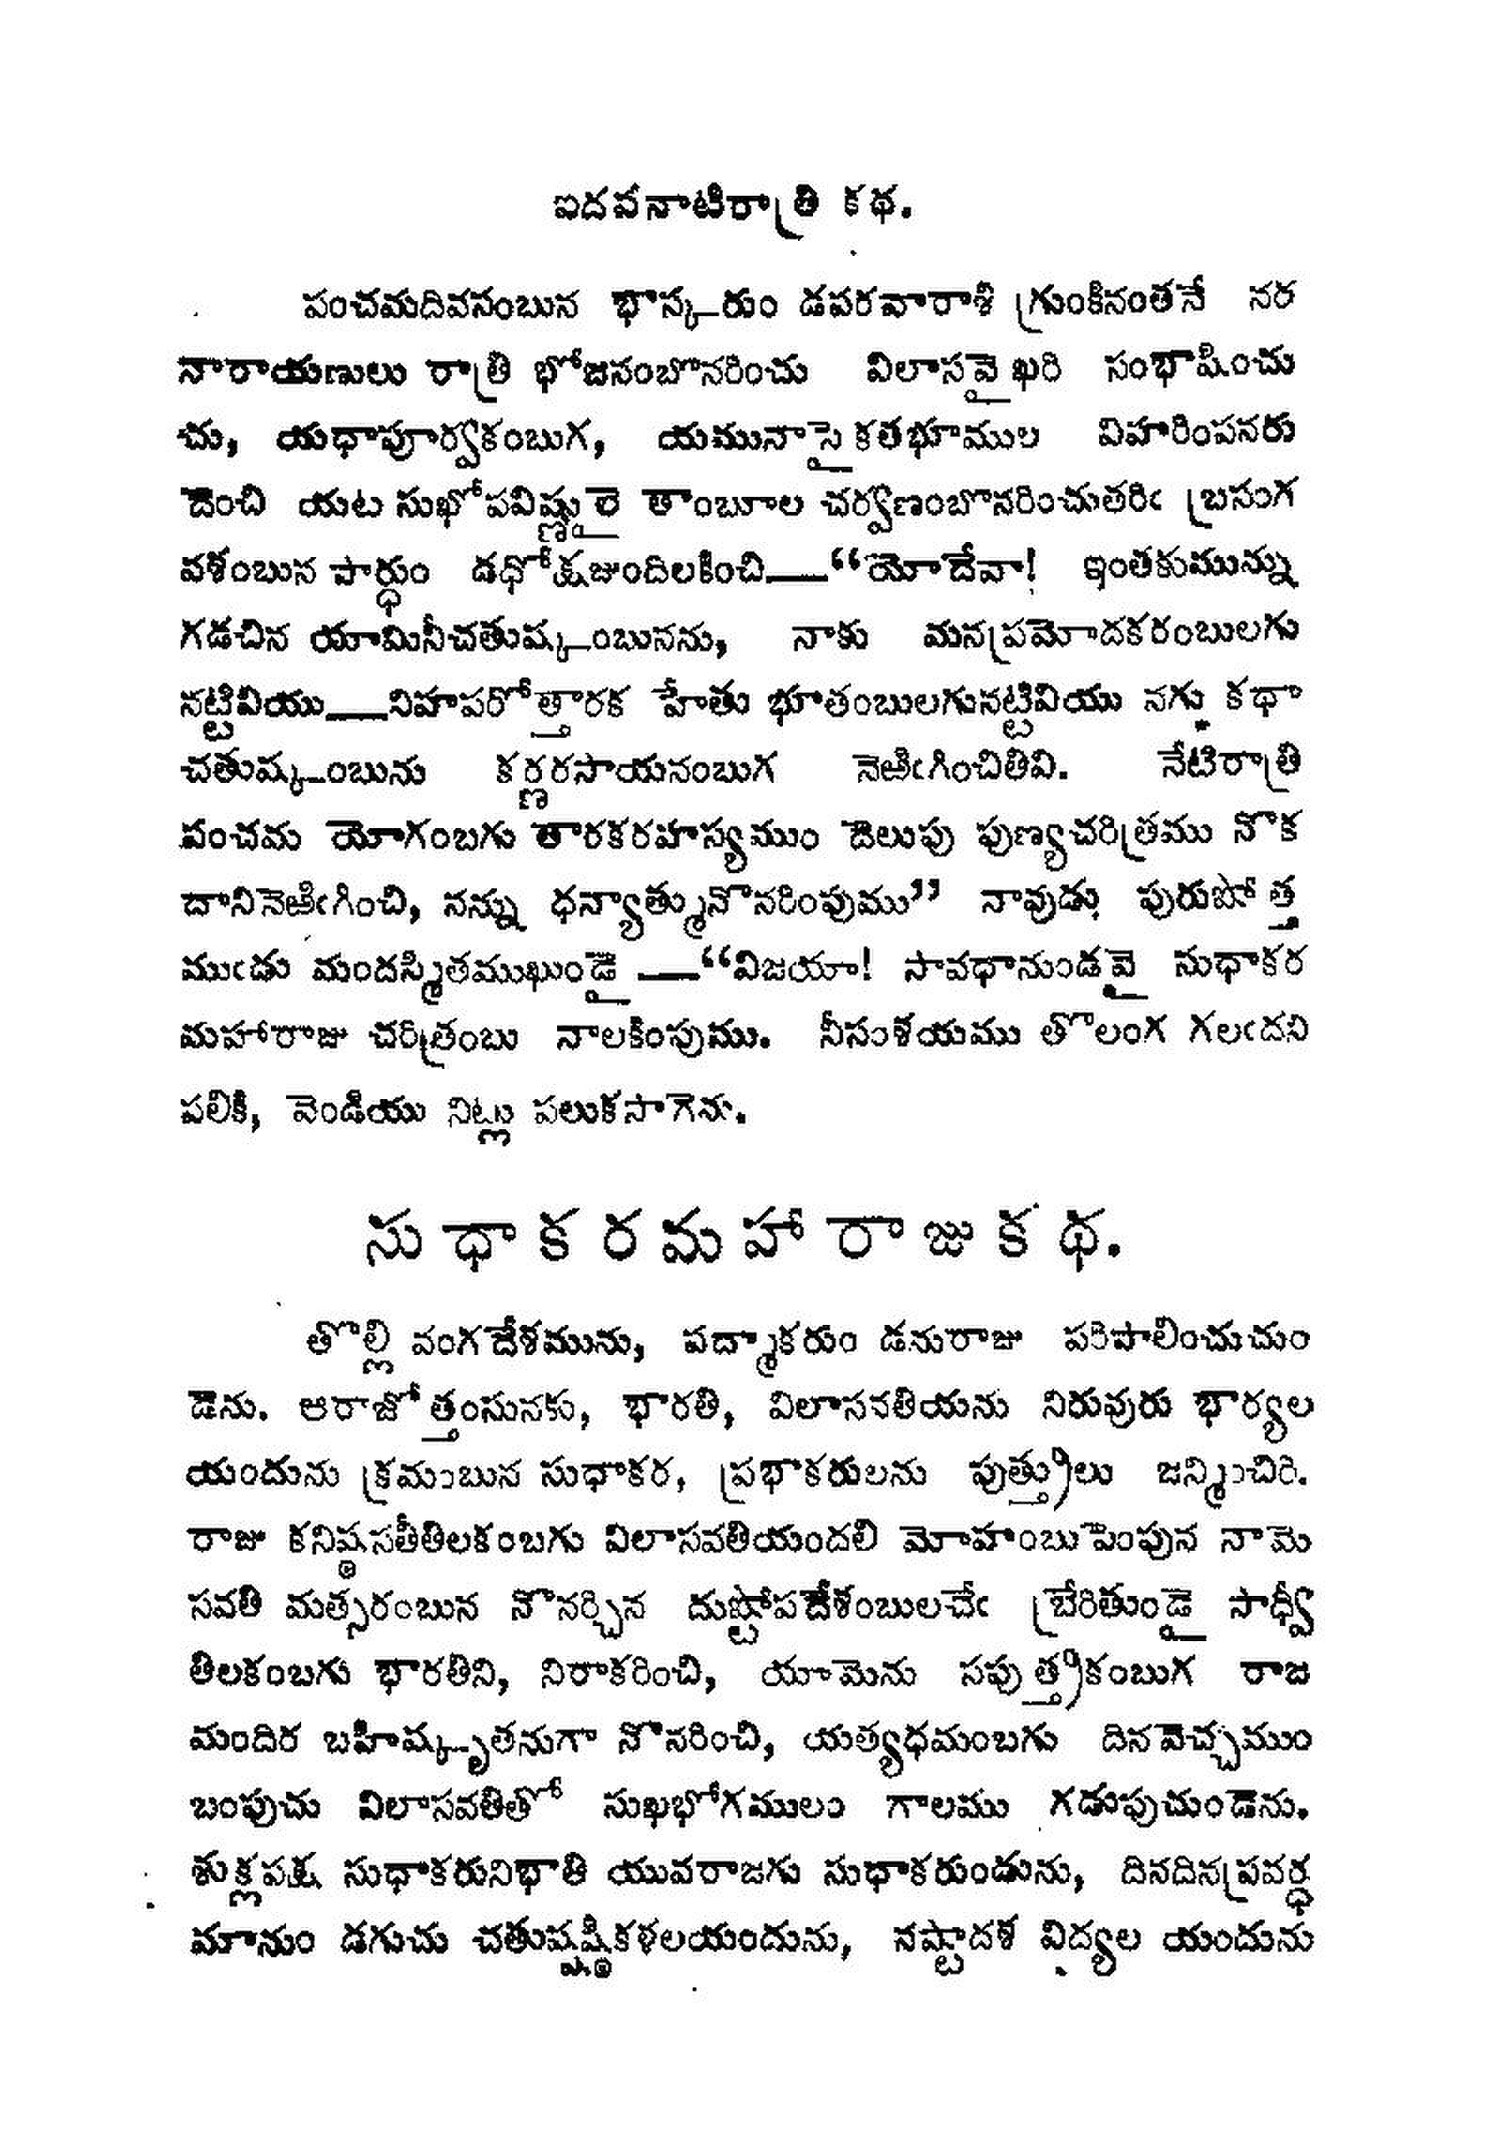పంచమదివసంబున భాస్కరుం డవరవారాశీ గ్రుంకినంతనే నరనారాయణులు రాత్రి భోజనంబొనరించు విలాసవైఖరి సంభాషించుచు, యధాపూర్వకంబుగ, యమునా సైకతభూముల విహరింప నరుదెంచి యట సుఖోపవిష్ణులై తాంబూల చర్వణంబొనరించుతరిఁ బ్రసంగ వశంబున పార్ధుం డధోక్షజుందిలకించి——"యోదేవా! ఇంతకుమున్ను గడచిన యామినీచతుష్కంబునను, నాకు మనప్రమోదకరంబులగు నట్టివియు——నిహపరోత్తారక హేతు భూతంబులగునట్టివియు నగు కథా చతుష్కంబును కర్ణరసాయనంబుగ నెఱిఁగించితివి. నేటిరాత్రి పంచమ యోగంబగు తారకరహస్యముం దెలుపు ఫుణ్య చరిత్రము నొక దాని నెఱిఁగించి, నన్ను ధన్యాత్మునొనరింపుము " నావుడు, పురుషోత్తముఁడు మందస్మితముఖుండై——"విజయా! సావధానుండవై సుధాకర మహారాజు చరిత్రంబు నాలకింపుము. నీసంశయము తొలంగ గలఁదని పలికి, వెండియు నిట్లు పలుకసాగెను.

తొల్లి వంగదేశమును, పద్మాకరుం డనురాజు పరిపాలించుచుండెను. ఆరాజోత్తంసునకు, భారతి, విలాసవతియను నిరువురు భార్యల యందును క్రమంబున సుధాకర, ప్రభాకరులను పుత్రులు జన్మించిరి. రాజు కనిష్ఠ సతీతిలకంబగు విలాసవతి యందలి మోహంబు పెంపున నామె సవతి మత్సరంబున నొనర్చిన దుష్టొపదేశంబులచేఁ బ్రేరితుండై సాధ్వీతిలకంబగు భారతిని, నిరాకరించి, యామెను సపుత్తకంబుగ రాజ మందిర బహిష్కృతనుగా నొనరించి, యత్యధమంబగు దిన వెచ్చముం
బంపుచు విలాసవతితో సుఖభోగములం గాలము గడుపుచుండెను. శుక్లపక్ష సుధాకరునిభాతి యువరాజగు సుధాకరుండును, దినదిన ప్రవర్ధమానుం డగుచు చతుషష్టి కళలయందును, నష్టాదశ విద్యల యందును